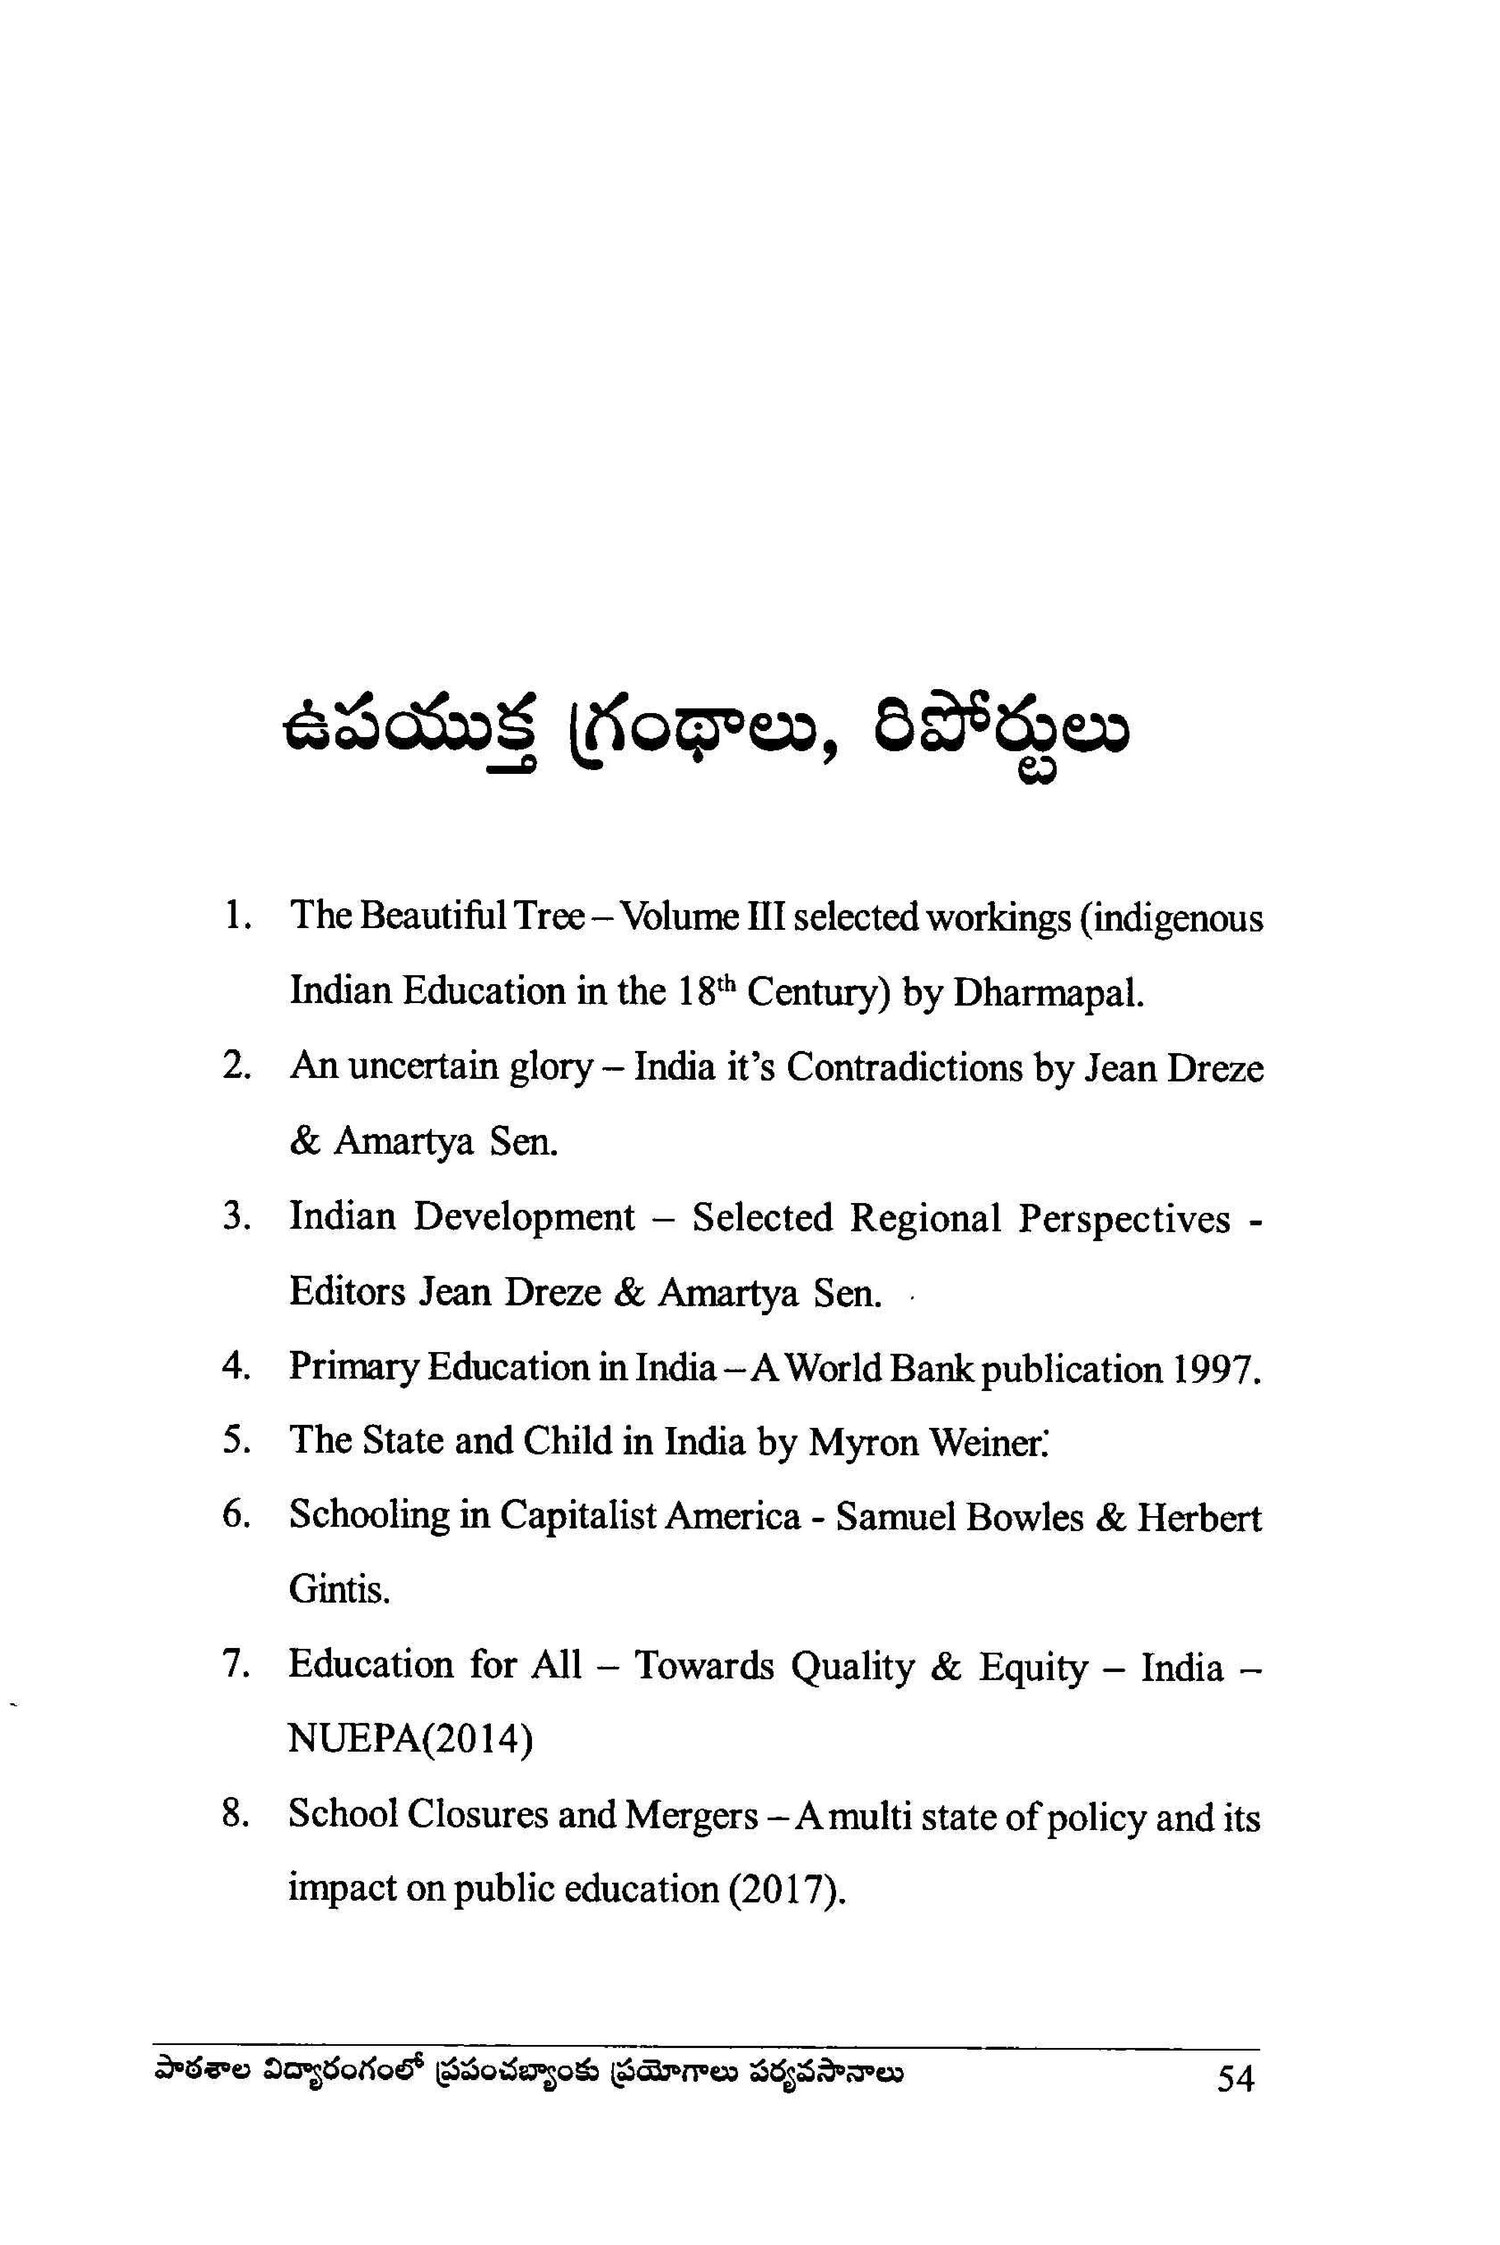1. The Beautiful Tree - Volume III selected workings (indigenous
Indian Education in the 18th Century) by Dharmapal.

2. An uncertain glory - India it's Contradictions by Jean Dreze
& Amartya Sen.

3. Indian Development - Selected Regional Perspectives -
Editors Jean Dreze & Amartya Sen.

4. Primary Education in India - A World Bank publication 1997.

5. The State and Child in India by Myron Weiner.

6. Schooling in Capitalist America - Samuel Bowles & Herbert
Gintis.

7. Education for All - Towards Quality & Equity - India - NUEPA(2014)
8. School Closures and Mergers - A multi state of policy and its
impact on public education (2017).